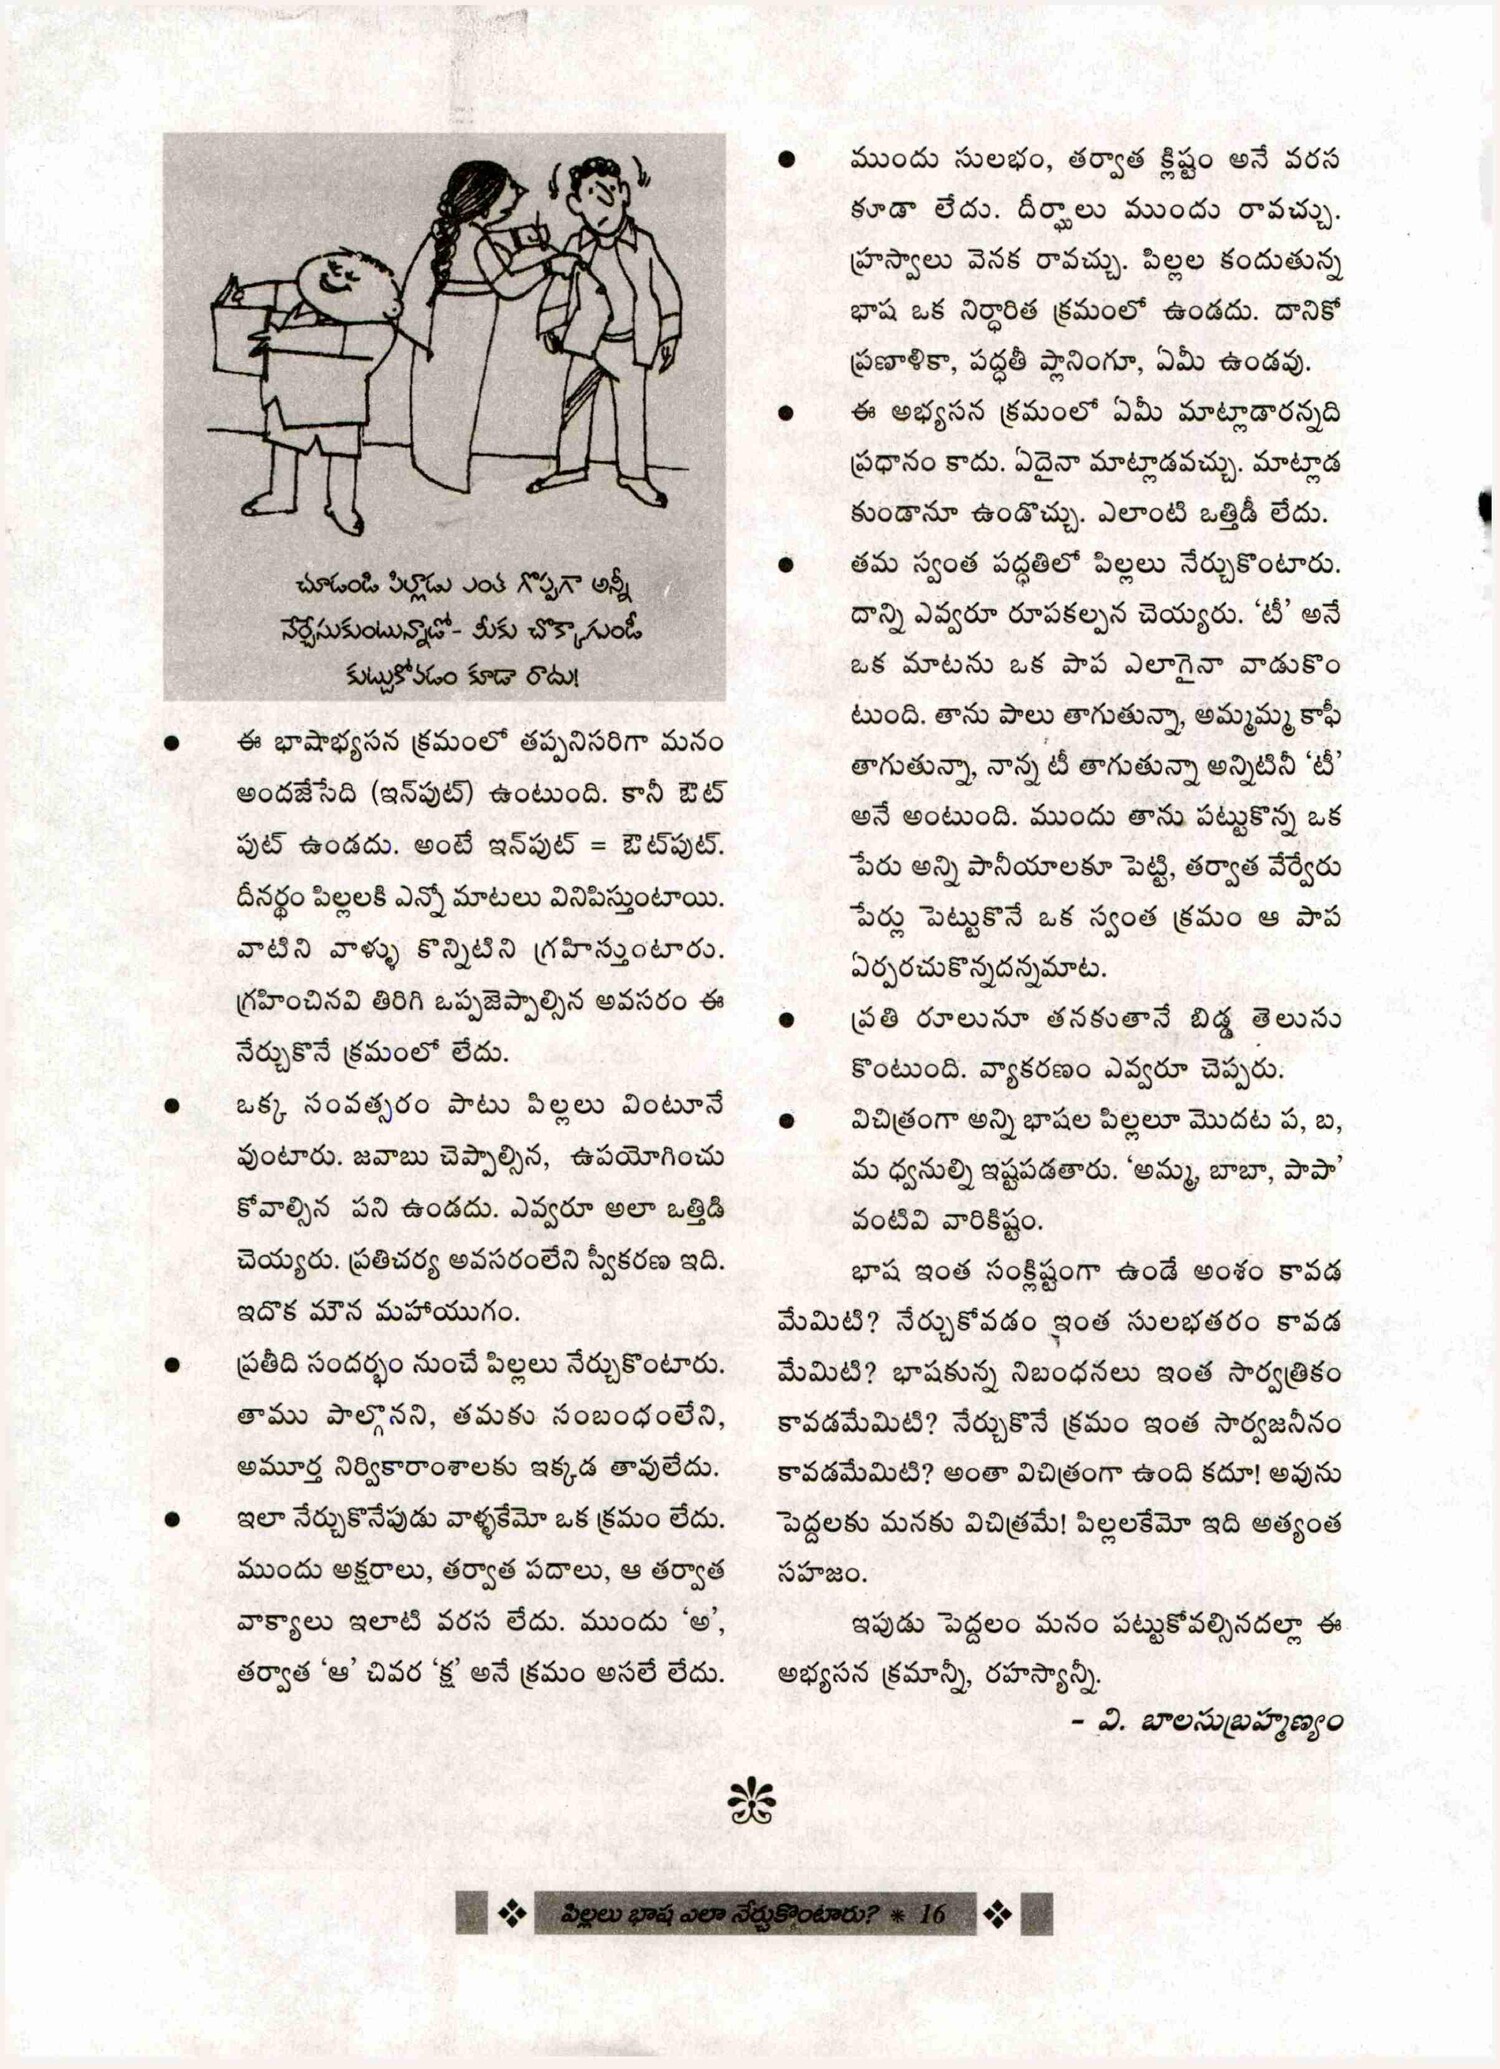ఈ భాషాభ్యసన క్రమంలో తప్పనిసరిగా మనం అందజేసేది (ఇన్‌పుట్) ఉంటుంది. కానీ ఔట్ పుట్ ఉండదు. అంటే ఇన్‌పుట్ = ఔట్‌పుట్. దీనర్థం పిల్లలకి ఎన్నో మాటలు వినిపిస్తుంటాయి. వాటిని వాళ్ళు కొన్నిటిని గ్రహిస్తుంటారు. గ్రహించినవి తిరిగి ఒప్పజెప్పాల్సిన అవసరం ఈ నేర్చుకొనే క్రమంలో లేదు.

 ఒక్క సంవత్సరం పాటు పిల్లలు వింటూనే వుంటారు. జవాబు చెప్పాల్సిన, ఉపయోగించు కోవాల్సిన పని ఉండదు. ఎవ్వరూ అలా ఒత్తిడి చెయ్యరు. ప్రతిచర్య అవసరంలేని స్వీకరణ ఇది. ఇదొక మౌన మహాయుగం.

 ప్రతీది సందర్భం నుంచే పిల్లలు నేర్చుకొంటారు. తాము పాల్గొనని, తమకు సంబంధంలేని, అమూర్త నిర్వికారాంశాలకు ఇక్కడ తావులేదు.

 ఇలా నేర్చుకొనేపుడు వాళ్ళకేమో ఒక క్రమం లేదు. ముందు అక్షరాలు, తర్వాత పదాలు, ఆ తర్వాత వాక్యాలు ఇలాటి వరస లేదు. ముందు 'అ', తర్వాత 'ఆ' చివర 'క్ష' అనే క్రమం అసలే లేదు.

 ముందు సులభం, తర్వాత క్లిష్టం అనే వరస కూడా లేదు. దీర్ఘాలు ముందు రావచ్చు. హ్రస్వాలు వెనక రావచ్చు. పిల్లల కందుతున్న భాష ఒక నిర్ధారిత క్రమంలో ఉండదు. దానికో ప్రణాళికా, పద్ధతీ ప్లానింగూ, ఏమీ ఉండవు.

 ఈ అభ్యసన క్రమంలో ఏమీ మాట్లాడారన్నది ప్రధానం కాదు. ఏదైనా మాట్లాడవచ్చు. మాట్లాడకుండానూ ఉండొచ్చు. ఎలాంటి ఒత్తిడీ లేదు.

 తమ స్వంత పద్ధతిలో పిల్లలు నేర్చుకొంటారు. దాన్ని ఎవ్వరూ రూపకల్పన చెయ్యరు. 'టీ' అనే ఒక మాటను ఒక పాప ఎలాగైనా వాడుకొంటుంది. తాను పాలు తాగుతున్నా, అమ్మమ్మ కాఫీ తాగుతున్నా, నాన్న టీ తాగుతున్నా అన్నిటినీ 'టీ' అనే అంటుంది. ముందు తాను పట్టుకొన్న ఒక పేరు అన్ని పానీయాలకూ పెట్టి, తర్వాత వేర్వేరు పేర్లు పెట్టుకొనే ఒక స్వంత క్రమం ఆ పాప ఏర్పరచుకొన్నదన్నమాట.

 ప్రతి రూలునూ తనకుతానే బిడ్డ తెలుసుకొంటుంది. వ్యాకరణం ఎవ్వరూ చెప్పరు.

 విచిత్రంగా అన్ని భాషల పిల్లలూ మొదట ప, బ, మ ధ్వనుల్ని ఇష్టపడతారు. 'అమ్మ, బాబా, పాపా’ వంటివి వారికిష్టం.

భాష ఇంత సంక్లిష్టంగా ఉండే అంశం కావడ మేమిటి? నేర్చుకోవడం ఇంత సులభతరం కావడ మేమిటి? భాషకున్న నిబంధనలు ఇంత సార్వత్రికం కావడమేమిటి? నేర్చుకొనే క్రమం ఇంత సార్వజనీనం కావడమేమిటి? అంతా విచిత్రంగా ఉంది కదూ! అవును పెద్దలకు మనకు విచిత్రమే! పిల్లలకేమో ఇది అత్యంత సహజం.

ఇపుడు పెద్దలం మనం పట్టుకోవల్సినదల్లా ఈ అభ్యసన క్రమాన్నీ, రహస్యాన్నీ.